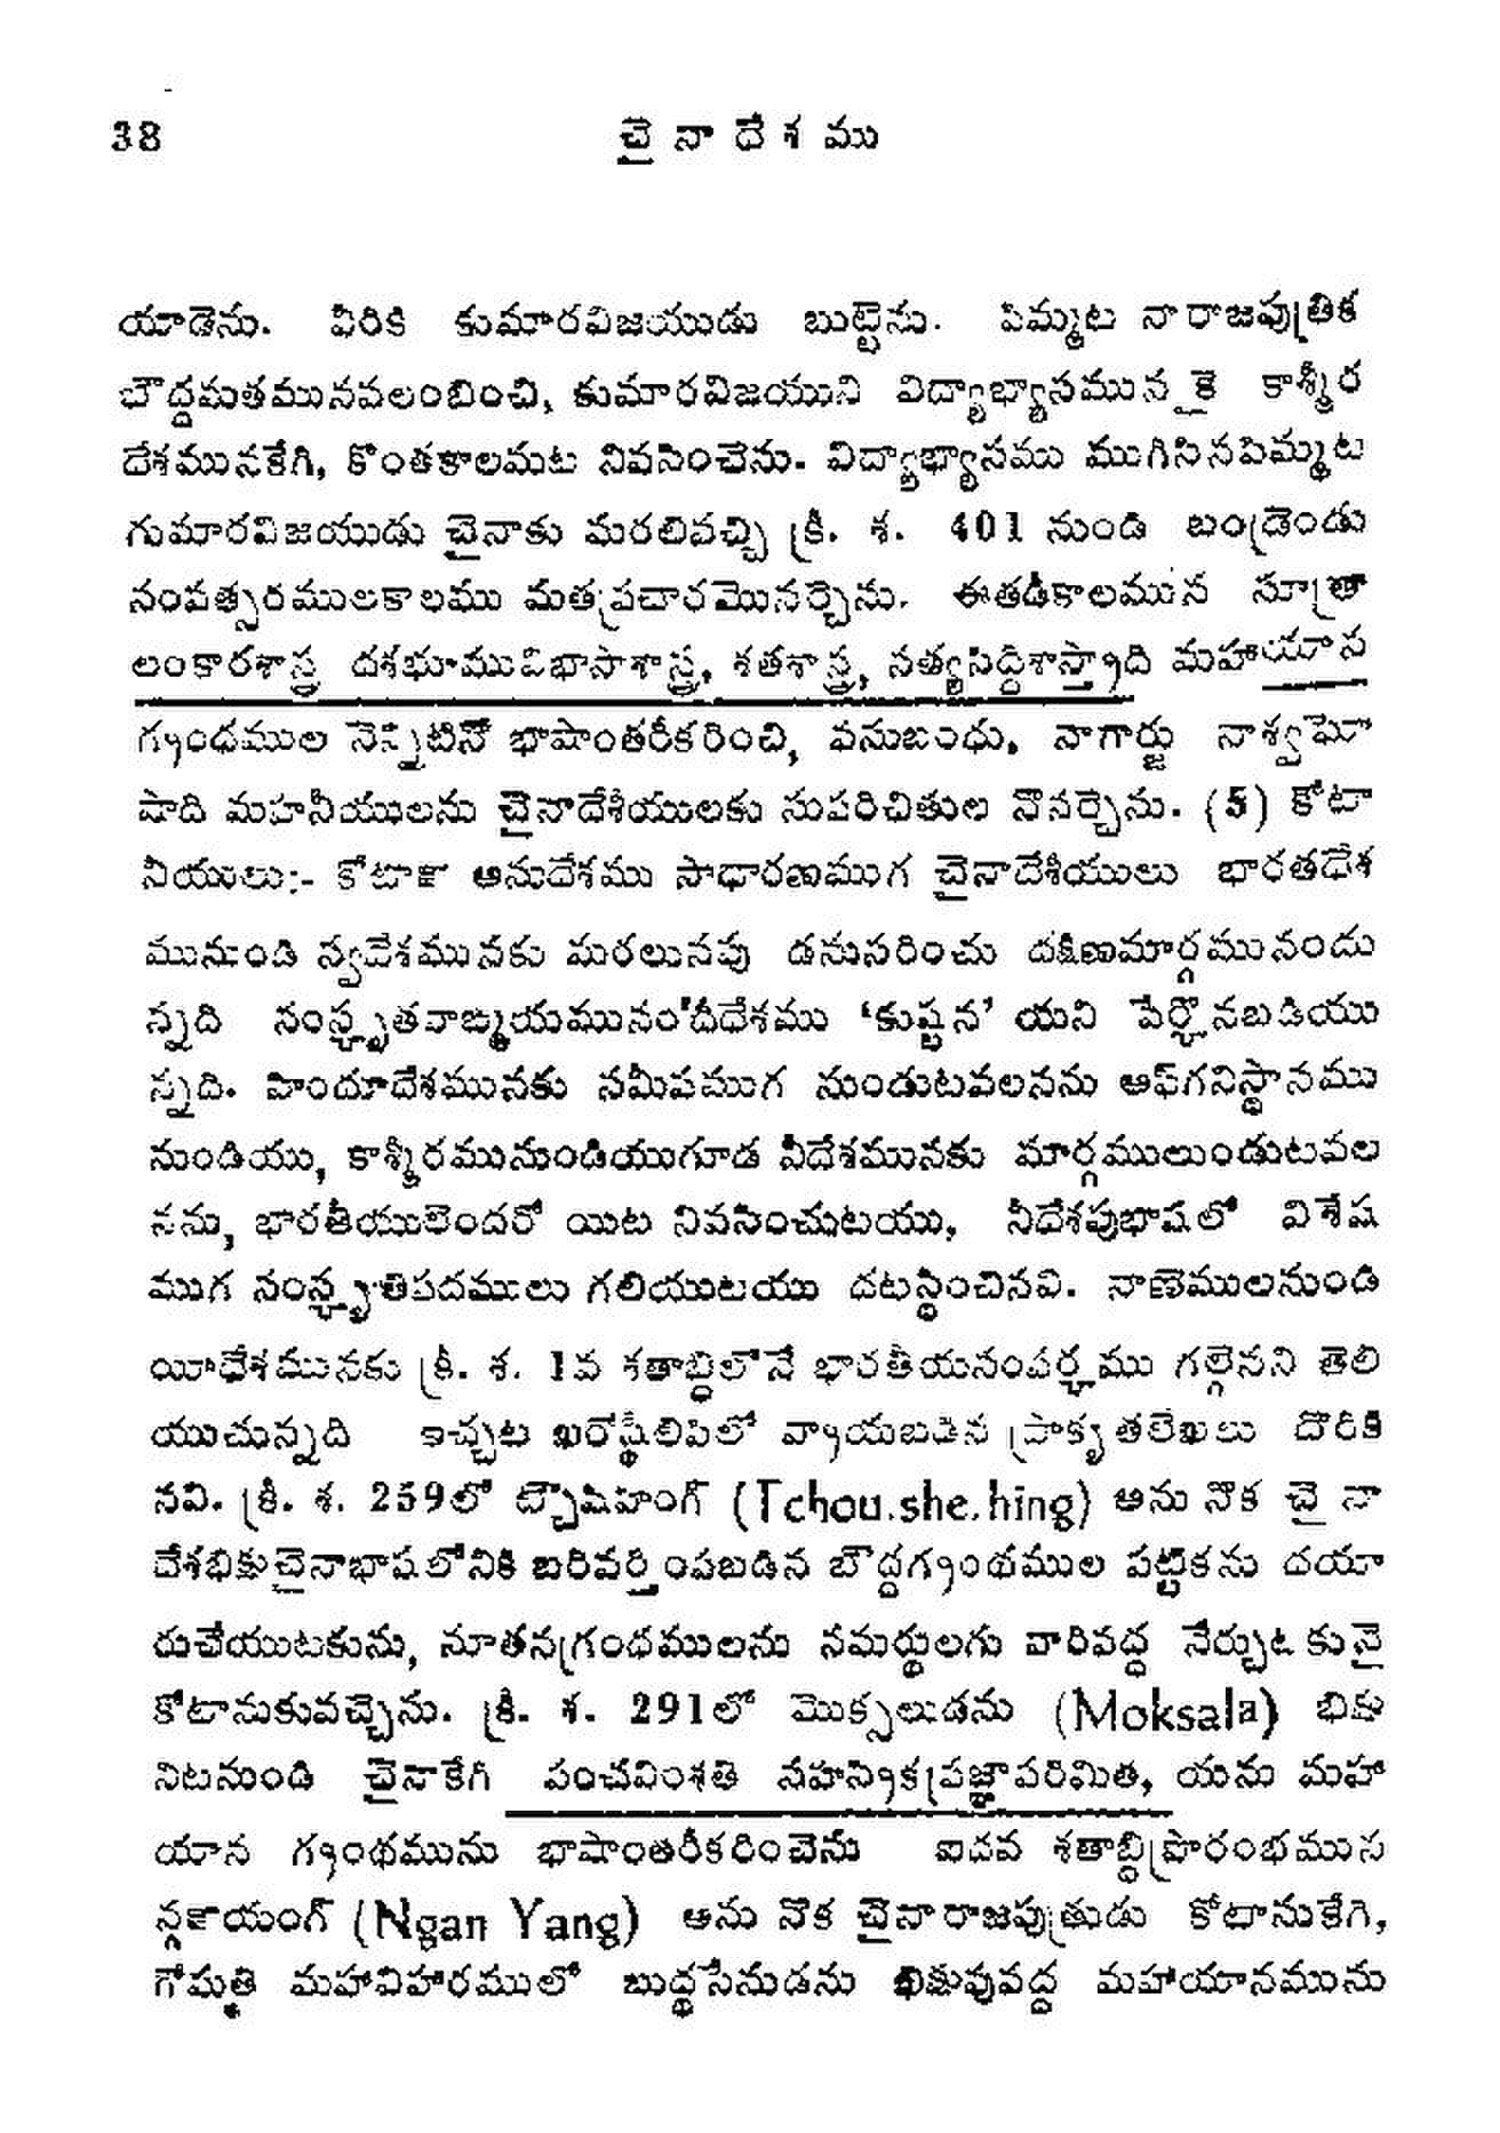యాడెను. వీరికి కుమారవిజయుడు బుట్టెను. పిమ్మట నా రాజపుత్రిక బౌద్దమతమునవలంబించి, కుమారవిజయుని విద్యాభ్యాసమునకై కాశ్మీర దేశమునకేగి, కొంతకాలమట నివసించెను. విద్యాభ్యాసము ముగిసినపిమ్మట గుమారవిజయుడు చైనాకు మరలివచ్చి క్రీ. శ. 401 నుండి బండ్రెండు సంవత్సరములకాలము మతప్రచారమొనర్చెను. ఈతడీకాలమున సూత్రాలంకారశాస్త్ర దశభూమువిభాసాశాస్త్ర, శతశాస్త్ర, సత్యసిద్దిశాస్త్రాది మహాయాన గ్రంథముల నెన్నిటినో భాషంతరీకరించి, వసుబంధు, నాగార్జు నాశ్వఘోషాది మహనీయులను చైనాదేశీయులకు సుపరిచితుల నొనర్చెను. (5) కోటానీయులు :- కోటాన్ అనుదేశము సాధారణముగ చైనాదేశీయులు భారతదేశమునుండి స్వదేశమునకు మరలునపు డనుసరించు దక్షిణ మార్గమునందున్నది. సంస్కృతవాఙ్మయమునం'దీదేశము 'కుష్టన' యని పేర్కొనబడియున్నది. హిందూదేశమునకు సమీపముగ నుండుటవలనను ఆఫ్‌గనిస్థానము నుండియు, కాశ్మీరమునుండియుగూడ నీదేశమునకు మార్గములుండుట వలనను, భారతీయులెందరో యిట నివసించుటయు, నీదేశపుభాషలో విశేషముగ సంస్కృతిపదములు గలియుటయు దటస్థించినవి. నాణెములనుండి యీదేశమునకు క్రీ. శ. 1 వ శతాబ్దిలోనే భారతీయసంపర్కము గల్గెనని తెలియుచున్నది. ఇచ్చట ఖరోష్ఠీలిపిలో వ్రాయబడిన ప్రాకృతలేఖలు దొరికినవి. క్రీ. శ. 259 లో ట్చౌషిహింగ్ (Tchou-she-hing) అను నొక చైనాదేశభిక్షు చైనాభాషలోనికి బరివర్తింపబడిన బౌద్దగ్రంథముల పట్టికను దయారుచేయుటకును, నూతనగ్రంథములను సమర్థులగు వారివద్ద నేర్చుటకునై కోటానుకువచ్చెను. క్రీ. శ. 291 లో మొక్సలుడను (Moksala) భిక్షు నిటనుండి చైనాకేగి పంచవింశతి సహస్రికప్రజ్ఞాపరిమిత, యను మహాయాన గ్రంథమును భాషాంతరీకరించెను. ఐదవ శతాబ్దిప్రారంభమున న్గన్‌యంగ్ (Ngan yang) అను నొక చైనారాజపుత్రుడు కోటానుకేగి, గోష్ఠుతి మహావిహారములో బుద్దసేనుడను భిక్షువువద్ద మహాయానమును